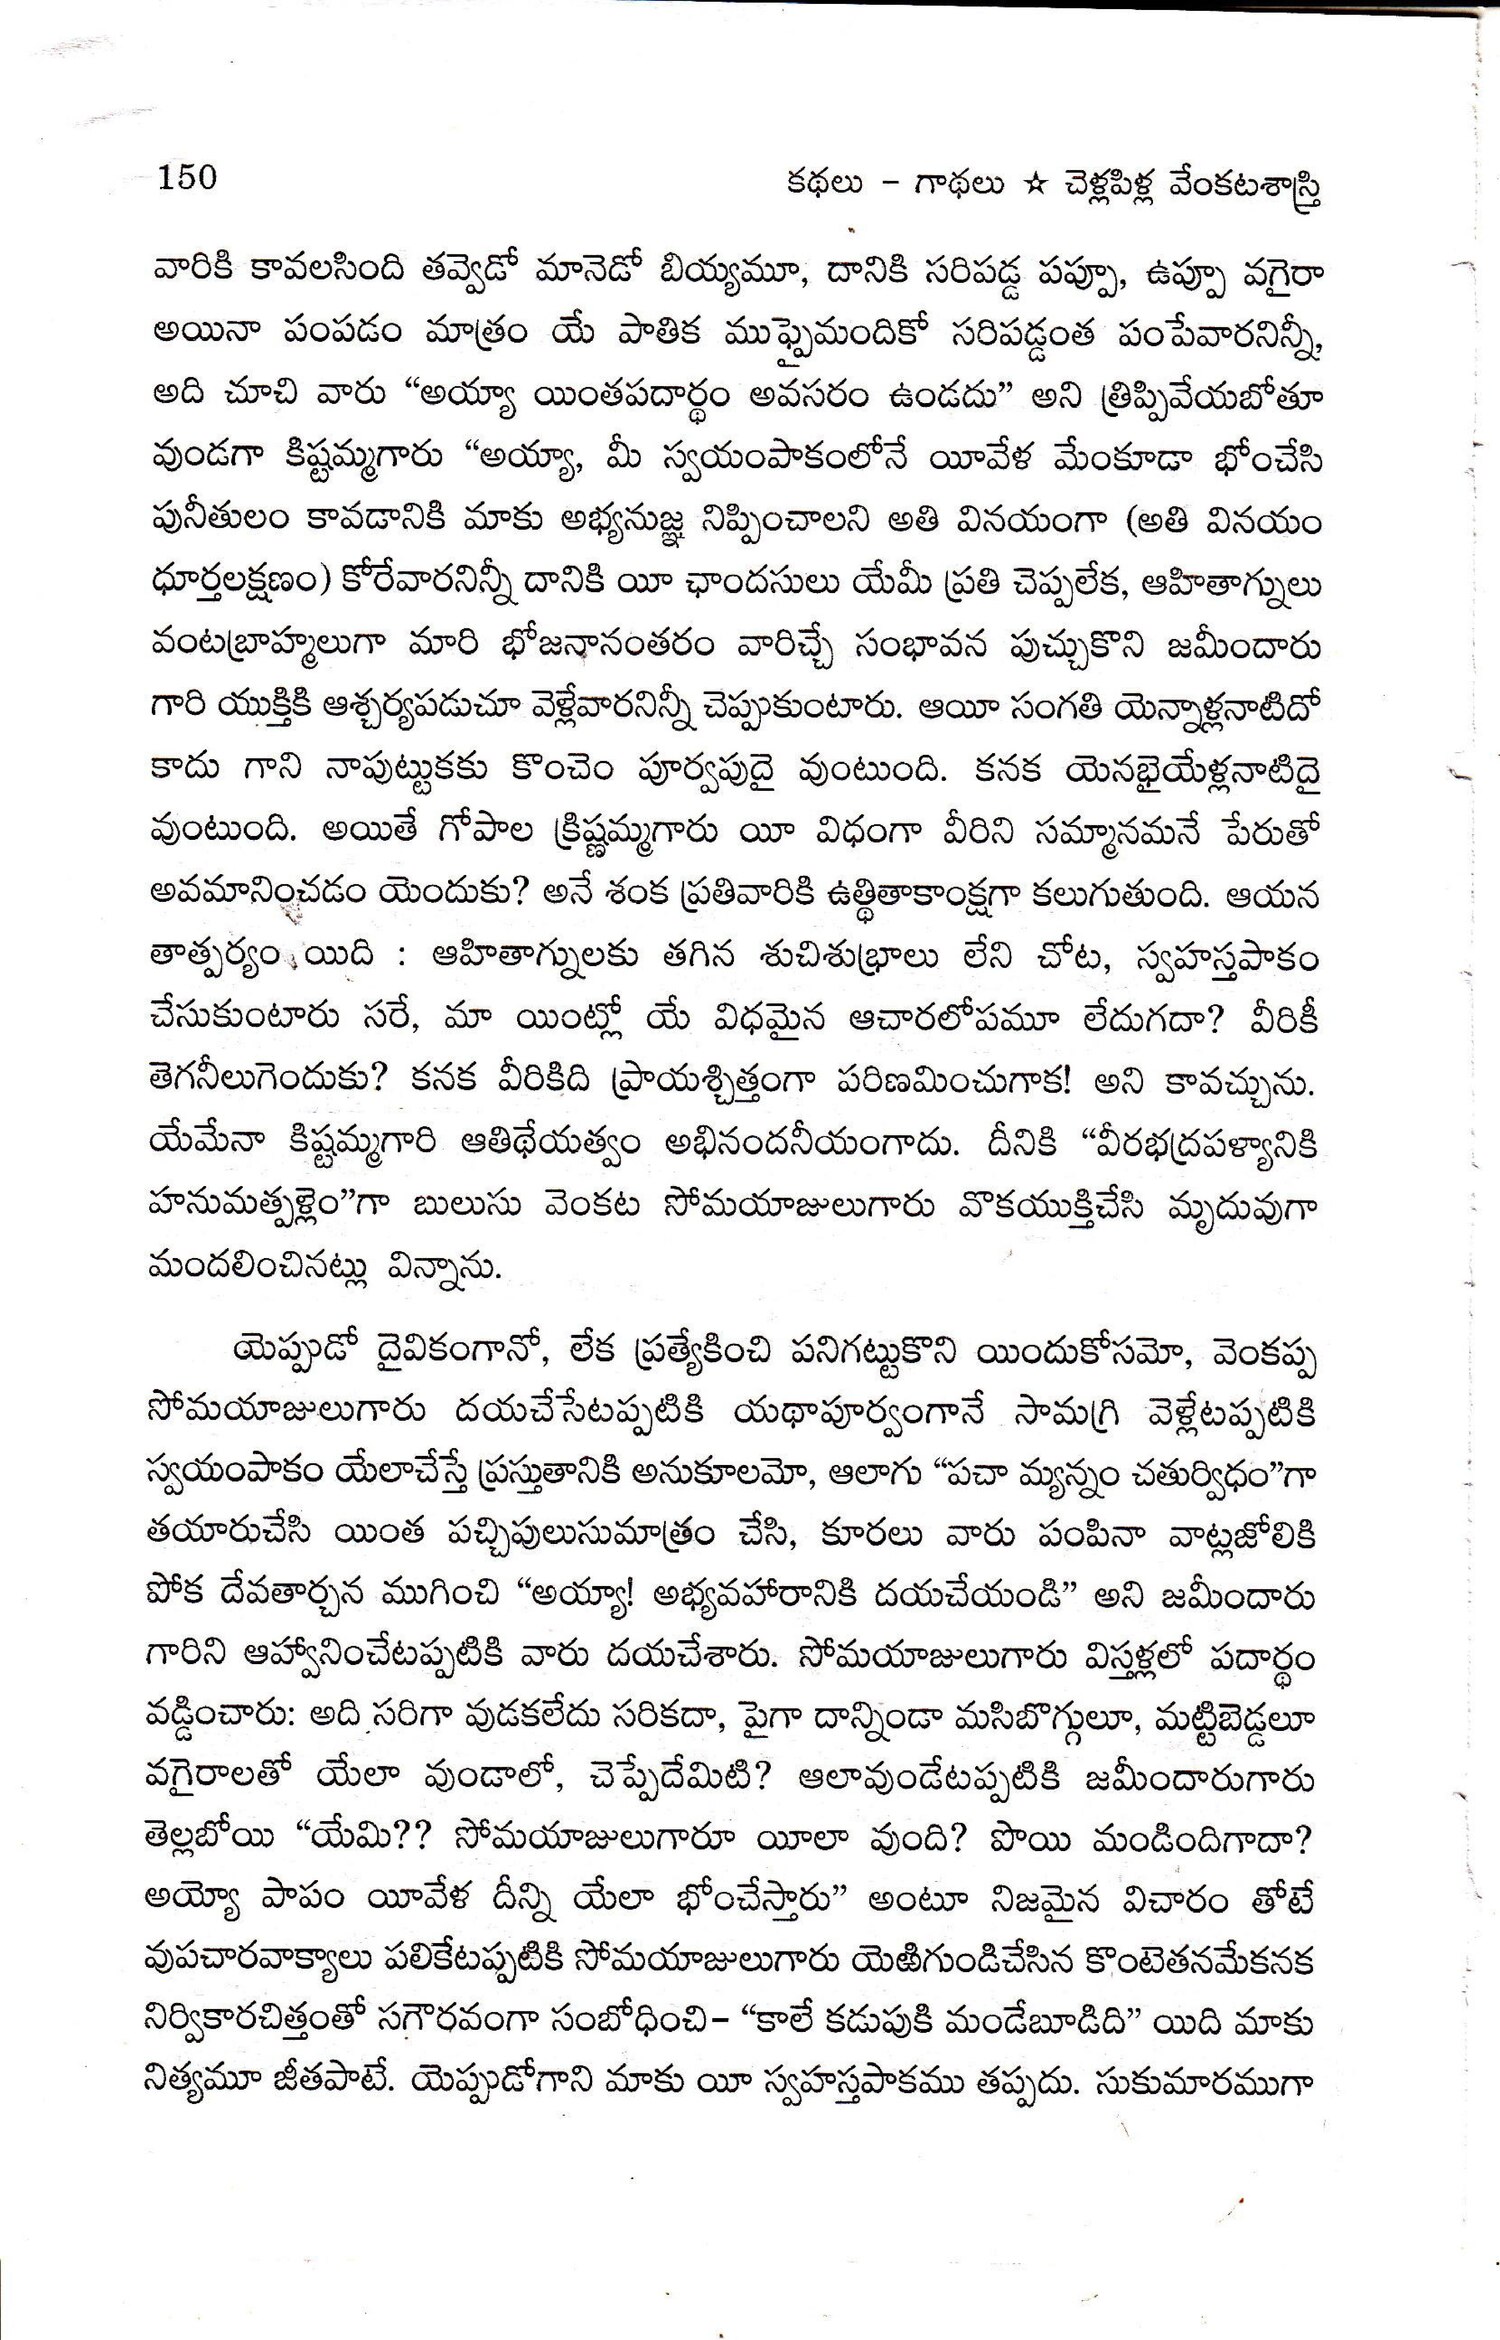వారికి కావలసింది తవ్వెడో మానెడో బియ్యమూ, దానికి సరిపడ్డ పప్పూ, ఉప్పూ వగైరా అయినా పంపడం మాత్రం యే పాతిక ముఫ్పైమందికో సరిపడ్డంత పంపేవారనిన్నీ అది చూచి వారు “అయ్యా యింతపదార్థం అవసరం ఉండదు” అని త్రిప్పివేయబోతూ వుండగా కిష్టమ్మగారు "అయ్యా, మీ స్వయంపాకంలోనే యీవేళ మేంకూడా భోంచేసి పునీతులం కావడానికి మాకు అభ్యనుజ్ఞ నిప్పించాలని అతి వినయంగా (అతి వినయం ధూర్తలక్షణం) కోరేవారనిన్నీ దానికి యీ ఛాందసులు యేమీ ప్రతి చెప్పలేక, ఆహితాగ్నులు వంట బ్రాహ్మలుగా మారి భోజనానంతరం వారిచ్చే సంభావన పుచ్చుకొని జమీందారు గారి యుక్తికి ఆశ్చర్యపడుచూ వెళ్లేవారనిన్నీ చెప్పుకుంటారు. ఆయీ సంగతి యెన్నాళ్లనాటిదో కాదు గాని నాపుట్టుకకు కొంచెం పూర్వపుదై వుంటుంది. కనక యెనభైయేళ్లనాటిదై వుంటుంది. అయితే గోపాల క్రిష్ణమ్మగారు యీ విధంగా వీరిని సమ్మానమనే పేరుతో అవమానించడం యెందుకు? అనే శంక ప్రతివారికి ఉత్థితాకాంక్షగా కలుగుతుంది. ఆయన తాత్పర్యం యిది : ఆహితాగ్నులకు తగిన శుచిశుభ్రాలు లేని చోట, స్వహస్తపాకం చేసుకుంటారు సరే, మా యింట్లో యే విధమైన ఆచారలోపమూ లేదుగదా? వీరికీ తెగనీలుగెందుకు? కనక వీరికిది ప్రాయశ్చిత్తంగా పరిణమించుగాక! అని కావచ్చును. యేమేనా కిష్టమ్మగారి ఆతిధేయత్వం అభినందనీయంగాదు. దీనికి "వీరభద్రపళ్యానికి హనుమత్పళ్లెం"గా బులుసు వెంకట సోమయాజులుగారు వొకయుక్తిచేసి మృదువుగా మందలించినట్లు విన్నాను. -

యెప్పుడో దైవికంగానో, లేక ప్రత్యేకించి పనిగట్టుకొని యిందుకోసమో, వెంకప్ప సోమయాజులుగారు దయచేసేటప్పటికి యథాపూర్వంగానే సామగ్రి వెళ్లేటప్పటికి స్వయంపాకం యేలాచేస్తే ప్రస్తుతానికి అనుకూలమో, ఆలాగు "పచా మ్యన్నం చతుర్విధం"గా తయారుచేసి యింత పచ్చిపులుసుమాత్రం చేసి, కూరలు వారు పంపినా వాట్లజోలికి పోక దేవతార్చన ముగించి “అయ్యా! అభ్యవహారానికి దయచేయండి" అని జమీందారు గారిని ఆహ్వానించేటప్పటికి వారు దయచేశారు. సోమయాజులుగారు విస్తళ్లలో పదార్థం వడ్డించారు: అది సరిగా వుడకలేదు సరికదా, పైగా దాన్నిండా మసిబొగ్గులూ, మట్టిబెడ్డలూ వగైరాలతో యేలా వుండాలో, చెప్పేదేమిటి? ఆలావుండేటప్పటికి జమీందారుగారు తెల్లబోయి "యేమి?? సోమయాజులుగారూ యీలా వుంది? పొయి మండిందిగాదా? అయ్యో పాపం యీవేళ దీన్ని యేలా భోంచేస్తారు" అంటూ నిజమైన విచారం తోటే వుపచారవాక్యాలు పలికేటప్పటికి సోమయాజులుగారు యెఱిగుండిచేసిన కొంటెతనమేకనక నిర్వికారచిత్తంతో సగౌరవంగా సంబోధించి- "కాలే కడుపుకి మండేబూడిది" యిది మాకు నిత్యమూ జీతపాటే. యెప్పడోగాని మాకు యీ స్వహస్తపాకము తప్పదు. సుకుమారముగా